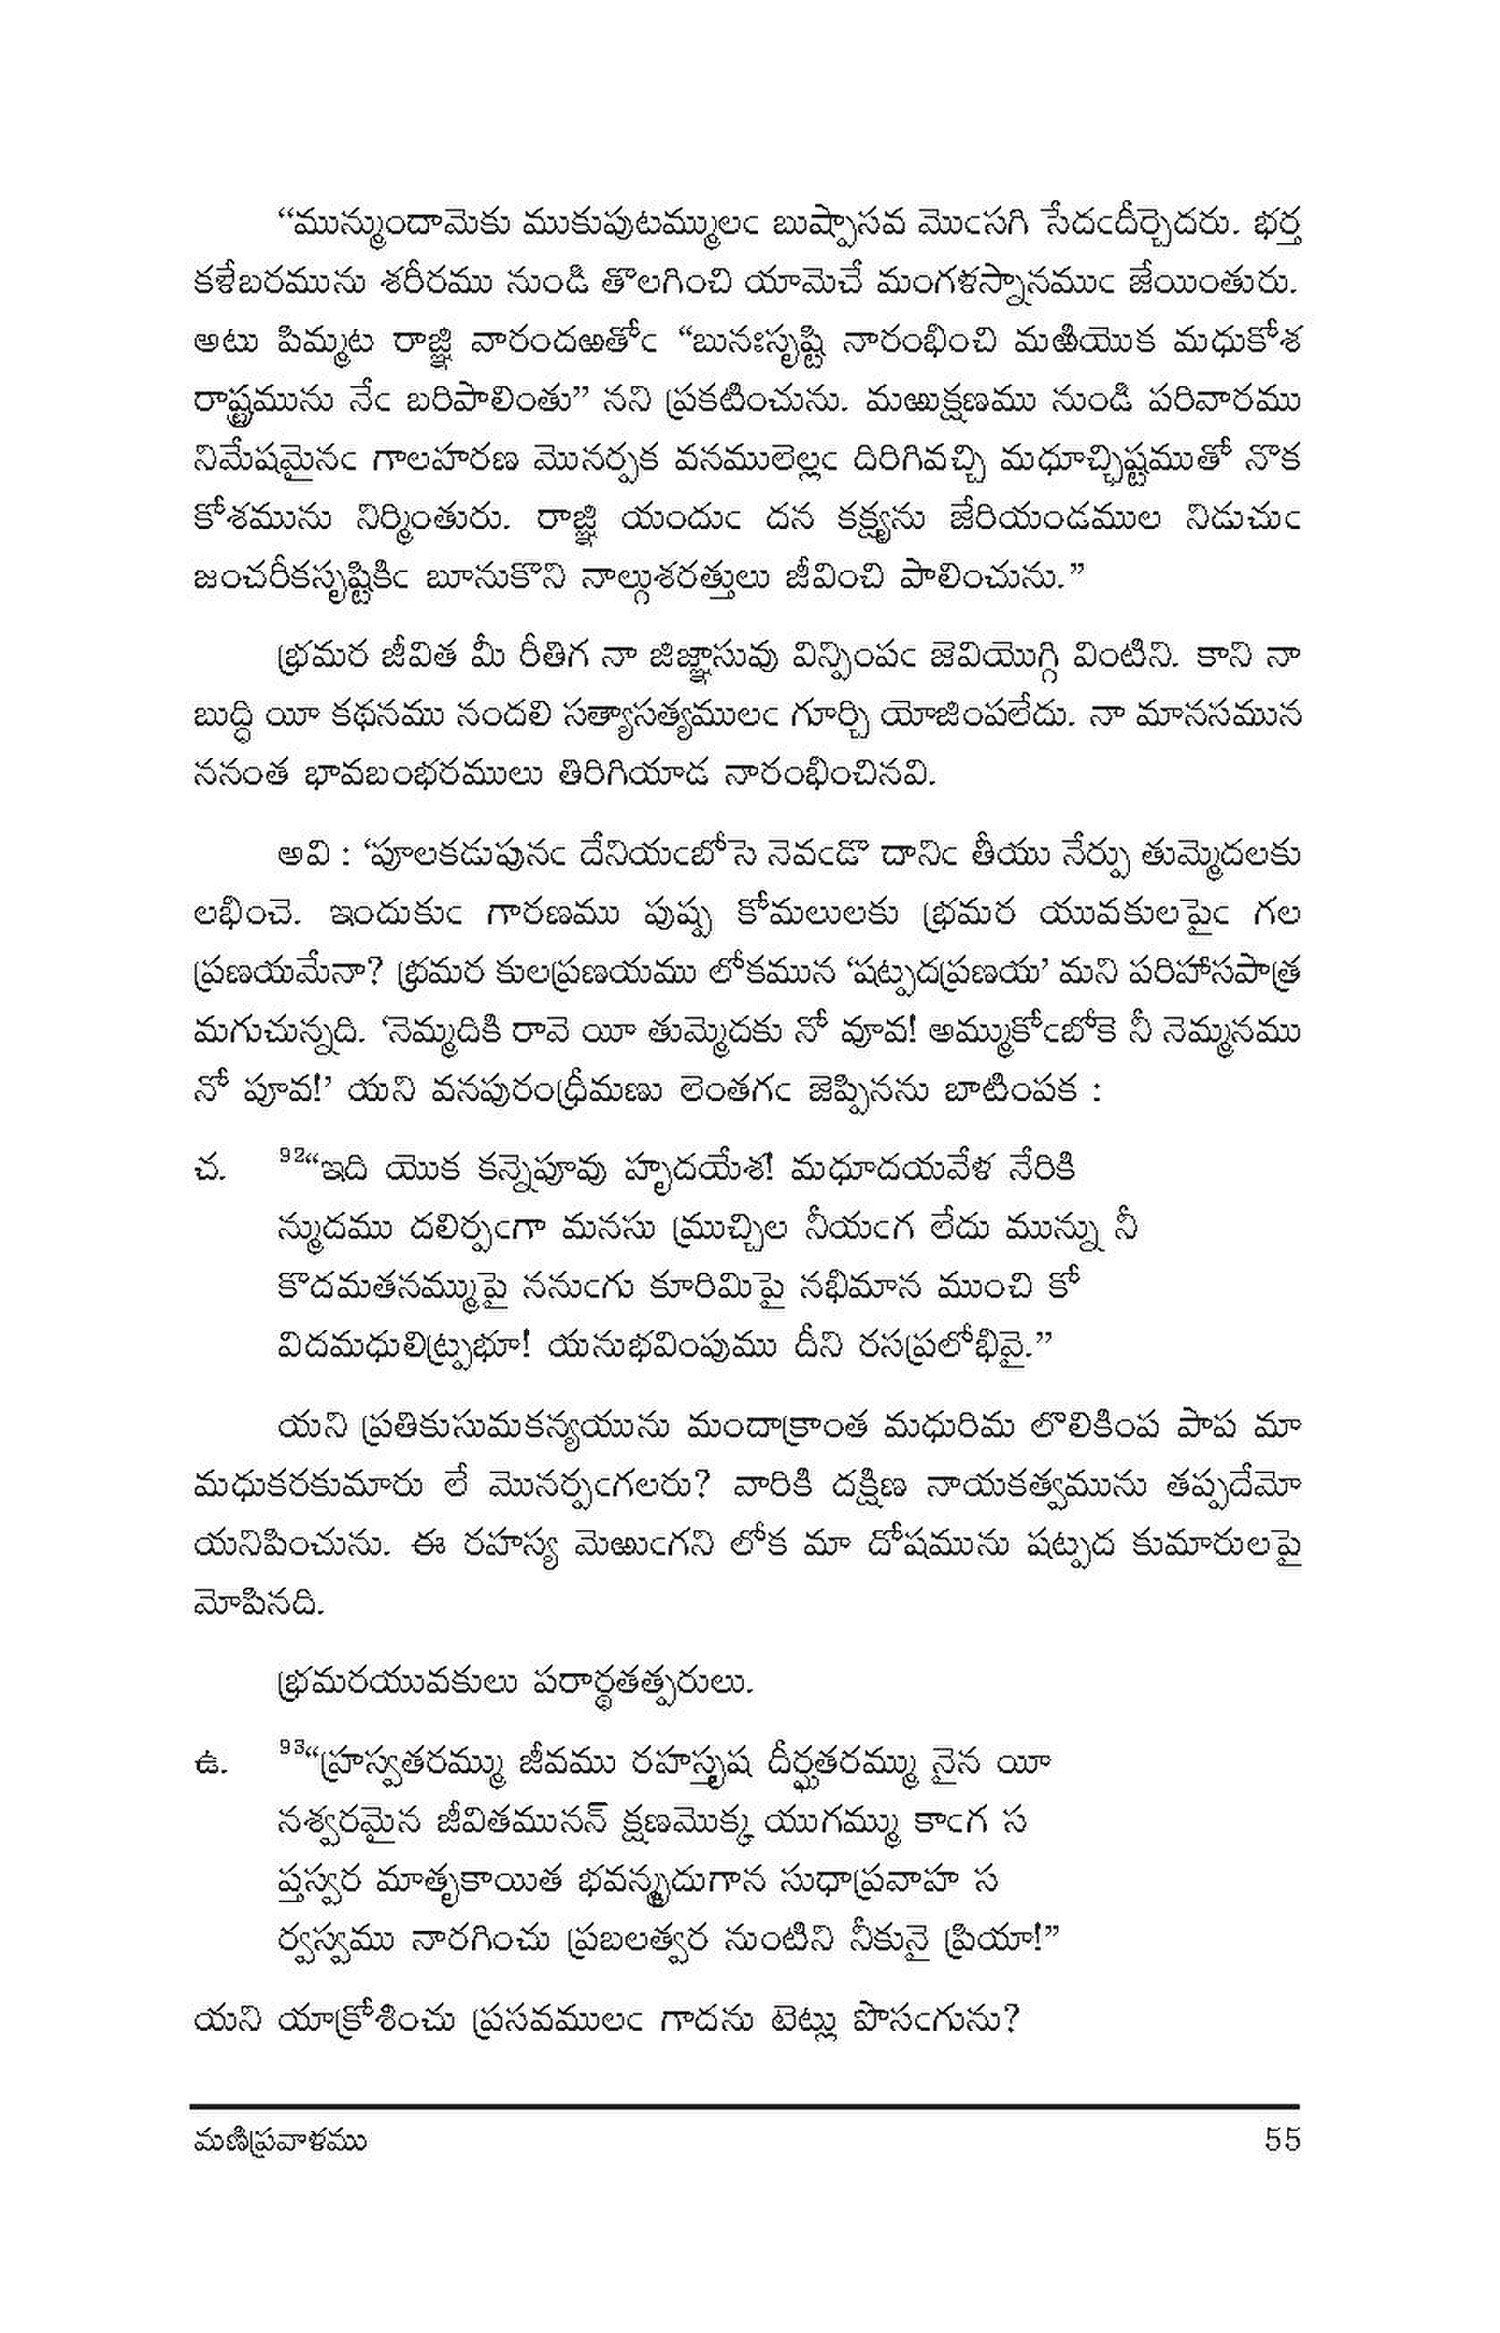“మున్ముందామెకు ముకుపుటమ్ములఁ బుష్పాసవ మొఁసగి సేదఁదీర్చెదరు. భర్త
కళేబరమును శరీరము నుండి తొలగించి యామెచే మంగళస్నానముఁ జేయింతురు.
అటు పిమ్మట రాజ్ఞి వారందఱతోఁ “బునఃసృష్టి నారంభించి మఱియొక మధుకోశ
రాష్ట్రమును నేఁ బరిపాలింతు" నని ప్రకటించును. మఱుక్షణము నుండి పరివారము
నిమేషమైనఁ గాలహరణ మొనర్పక వనములెల్లఁ దిరిగివచ్చి మధూచ్ఛిష్టముతో నొక
కోశమును నిర్మింతురు. రాజ్ఞి యందుఁ దన కక్ష్యను జేరియండముల నిడుచుఁ
జంచరీకసృష్టికిఁ బూనుకొని నాల్గుశరత్తులు జీవించి పాలించును.”

భ్రమర జీవిత మీ రీతిగ నా జిజ్ఞాసువు విన్పింపఁ జెవియొగ్గి వింటిని. కాని నా
బుద్ధి యీ కథనము నందలి సత్యాసత్యములఁ గూర్చి యోజింపలేదు. నా మానసమున
ననంత భావబంభరములు తిరిగియాడ నారంభించినవి.

అవి : 'పూలకడుపునఁ దేనియఁబోసె నెవఁడొ దానిఁ తీయు నేర్పు తుమ్మెదలకు
లభించె . ఇందుకుఁ గారణము పుష్ప కోమలులకు భ్రమర యువకులపైఁ గల
ప్రణయమేనా? భ్రమర కులప్రణయము లోకమున 'షట్పదప్రణయ' మని పరిహాసపాత్ర
మగుచున్నది. 'నెమ్మదికి రావె యీ తుమ్మెదకు నో వూవ! అమ్ముకోఁబోకె నీ నెమ్మనము
నో పూవ!' యని వనపురంధ్రీమణు లెంతగఁ జెప్పినను బాటింపక :

చ. "ఇది యొక కన్నెపూవు హృదయేశ! మధూదయవేళ నేరికి
 న్ముదము దలిర్పఁగా మనసు మ్రుచ్చిల నీయఁగ లేదు మున్ను నీ
 కొదమతనమ్ముపై ననుఁగు కూరిమిపై నభిమాన ముంచి కో
 విదమధులిట్ప్రభూ! యనుభవింపుము దీని రసప్రలోభివై.”

యని ప్రతికుసుమకన్యయును మందాక్రాంత మధురిమ లొలికింప పాప మా
మధుకరకుమారు లే మొనర్పఁగలరు? వారికి దక్షిణ నాయకత్వమును తప్పదేమో
యనిపించును. ఈ రహస్య మెఱుఁగని లోక మా దోషమును షట్పద కుమారులపై
మోపినది.

భ్రమరయువకులు పరార్థతత్పరులు.

ఉ. "హ్రస్వతరమ్ము జీవము రహసృష దీర్ఘతరమ్ము నైన యీ
 నశ్వరమైన జీవితమునన్ క్షణమొక్క యుగమ్ము కాఁగ స
 ప్తస్వర మాతృకాయిత భవన్మృదుగాన సుధాప్రవాహ స
 ర్వస్వము నారగించు ప్రబలత్వర నుంటిని నీకునై ప్రియా!”

యని యాక్రోశించు ప్రసవములఁ గాదను టెట్లు పొసఁగును?